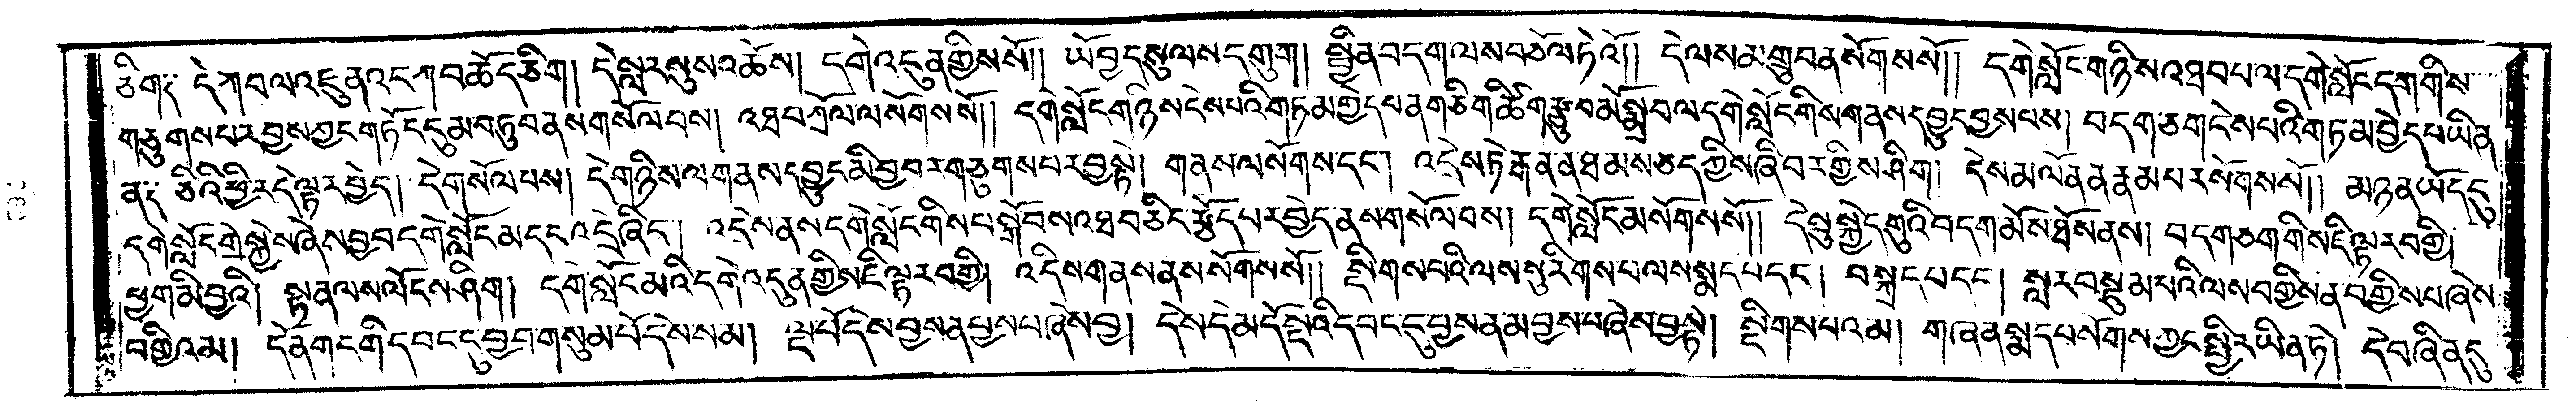ཅིག༑ དེ་ཀབ་ལ་འཇུ་ནའང་ཀབ་ཆོད་ཅིག། དེ་སླར་སུས་འཆོས། དགེ་འདུན་གྱིས་སོ།། ཡོ་བྱད་སུ་ལས་དགུག། སྦྱིན་བདག་ལས་བཅོལ་ཏེའོ།། དེ་ལས་མ་གྲུབ་ན་སོགས་སོ།། དགེ་སློང་གཉིས་འཐབ་པ་ལ་དགེ་སློང་དག་གིས་
གཅུགས་པར་བྱས་ཀྱང་གཏོང་དུ་མ་བཏུབ་ནས་གསོལ་བས། འཐབ་ཀྲོལ་ལ་སོགས་སོ།། དགེ་སློང་གཉིས་ངེས་པའི་གཏམ་གྱེད་པན་གཅིག་ཚིག་རྩུབ་མོ་སྨྲ་བ་ལ་དགེ་སློང་གིས་གནས་དབྱུང་བྱས་པས། བདག་ཅག་ངེས་པའི་གཏམ་བྱེད་པ་ཡིན་
ན༑ ཅིའི་ཕྱིར་དེ་ལྟར་བྱེད། དེ་གསོལ་པས། དེ་གཉིས་ལ་གནས་དབྱུང་མི་བྱ་བར་གཅུགས་པར་བྱ་སྟེ། གནས་ལ་སོགས་དང་། འདྲེས་ཏེ་རྒན་ན་ཐམས་ཅད་ཀྱིས་ཞི་བར་གྱིས་ཤིག། དེས་མ་ལོན་ན་རྣམ་པར་སོགས་སོ།། མཉན་ཡོད་དུ་
དགེ་སློང་གྲེ་སྐྱེས་ཞེས་བྱ་བ་དགེ་སློང་མ་དང་འདྲེ་ཞིང་། འདྲེས་ནས་དགེ་སློང་གིས་བསྒོབས་འཐབ་ཅིང་རྩོད་པར་བྱེད་ནས་གསོལ་བས། དགེ་སློང་མ་སོགས་སོ།། དེ་སྲུ་སྐྱེ་དགུའི་བདག་མོས་ཐོས་ནས། བདག་ཅག་གིས་ཇི་ལྟར་བགྱི།
ཕྱག་མི་བྱའི། སྟན་ལས་ལོངས་ཤིག། དགེ་སློང་མའི་དགེ་འདུན་གྱིས་ཇི་ལྟར་བགྱི། འདིས་གནས་ནས་སོགས་སོ།། སྡིགས་པའི་ལས་སུ་རིགས་པ་ལས་སྨད་པ་དང་། བསྐྲད་པ་དང་། སླར་བསྡུམ་པའི་ལས་བགྱིས་ན་བགྱིས་པ་ཞེས་
བགྱིའམ། དོན་གང་གི་དབང་དུ་བྱ་བ་གསུམ་པོ་དེས་སམ། ལྔ་པོ་དེས་བྱས་ན་བྱས་པ་ཞེས་བྱ། དེས་དེ་མདོ་སྡའི་དབང་དུ་བྱས་ན་མ་བྱས་པ་ཞེས་བྱ་སྟེ། སྡིགས་པའམ། གཞན་སྨད་པ་སོགས་ཀྱང་སྤྱིར་ཡིན་ཏེ། དེ་བཞིན་དུ་